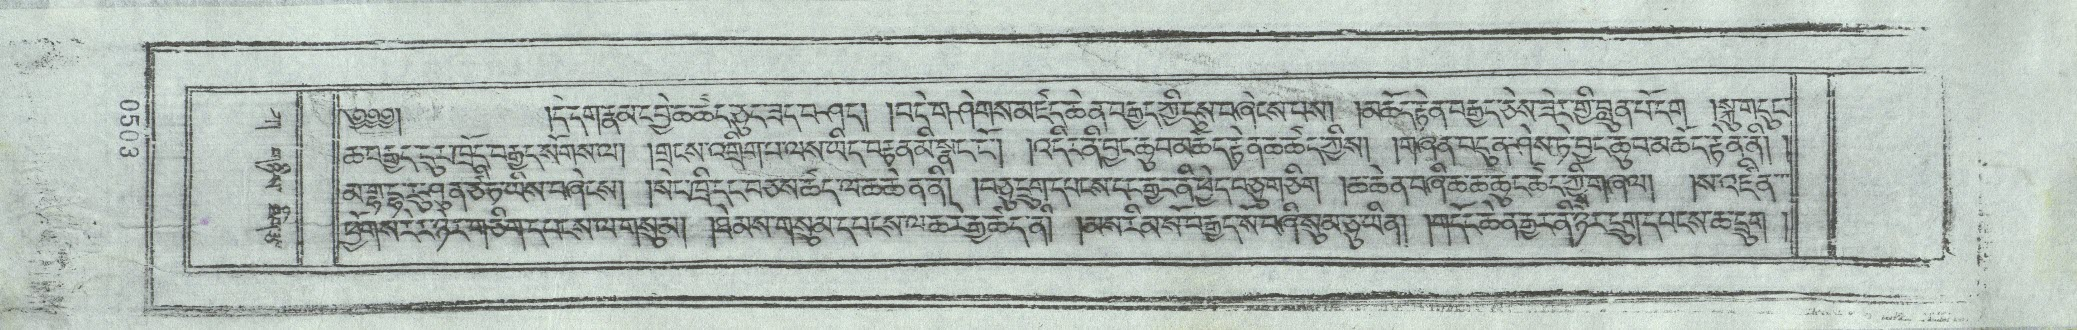༄༅། །དེ་དག་རྣམ་དབྱེ་ཆ་ཚད་ཅུང་ཟད་བཤད། །བདེ་གཤེགས་མཛད་ཆེན་བརྒྱད་ཀྱི་དུས་བཞེངས་པས། །མཆོད་རྟེན་བརྒྱད་ཅེས་ཟེར་གྱི་བླུན་པོ་དག །སྐུ་གདུང་
ཆ་བརྒྱད་དུར་ཁྲོད་བརྒྱད་སོགས་ལ། །གྲངས་འགྲིག་པ་ལས་ཡིད་བརྟན་མི་སྣང་ངོ། །འདིར་ནི་བྱང་ཆུབ་མཆོད་རྟེན་ཆ་ཚད་ཀྱིས། །གཞན་བདུན་ཤེས་ཏེ་བྱང་ཆུབ་མཆོད་རྟེན་ནི།།
མ་གྷ་དྷ་རུ་ཤུན་ཙི་ཏ་ཡིས་བཞེངས། །སེང་ཁྲི་དང་བཅས་ཚད་ལ་ཆ་ཆེན་ནི། །བཅུ་དྲུག་དཔངས་དང་རྐྱར་ནི་ཕྱེད་བཅུ་གཅིག །ཆ་ཆེན་བཞི་ཆ་ཆུང་ཚང་ཀྱིས་གཞལ། །ས་འཛིན་ཕྱོགས་རེར་ཉེར་གཅིག་དཔངས་ལ་གསུམ། །ཐེམས་གསུམ་དཔངས་ལ་ཆར་རྒྱ་ཚད་ནི། །མས་རིམ་སོ་བརྒྱད་སོ་བཞི་སུམ་ཅུ་ཡིན། །གདོང་ཆེན་རྒྱར་ནི་ཉེར་དྲུག་དཔངས་ཆ་དྲུག །